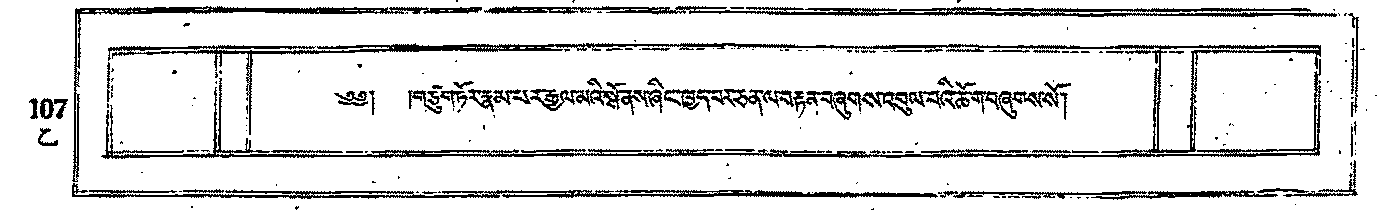།གཙུག་ཏོར་རྣམ་པར་རྒྱལ་མའི་སྒོ་ནས་ཞིང་ཁྱད་པར་ཅན་ལ་བརྟན་བཞུགས་འབུལ་བའི་ཆོ་ག་བཞུགས་སོ།